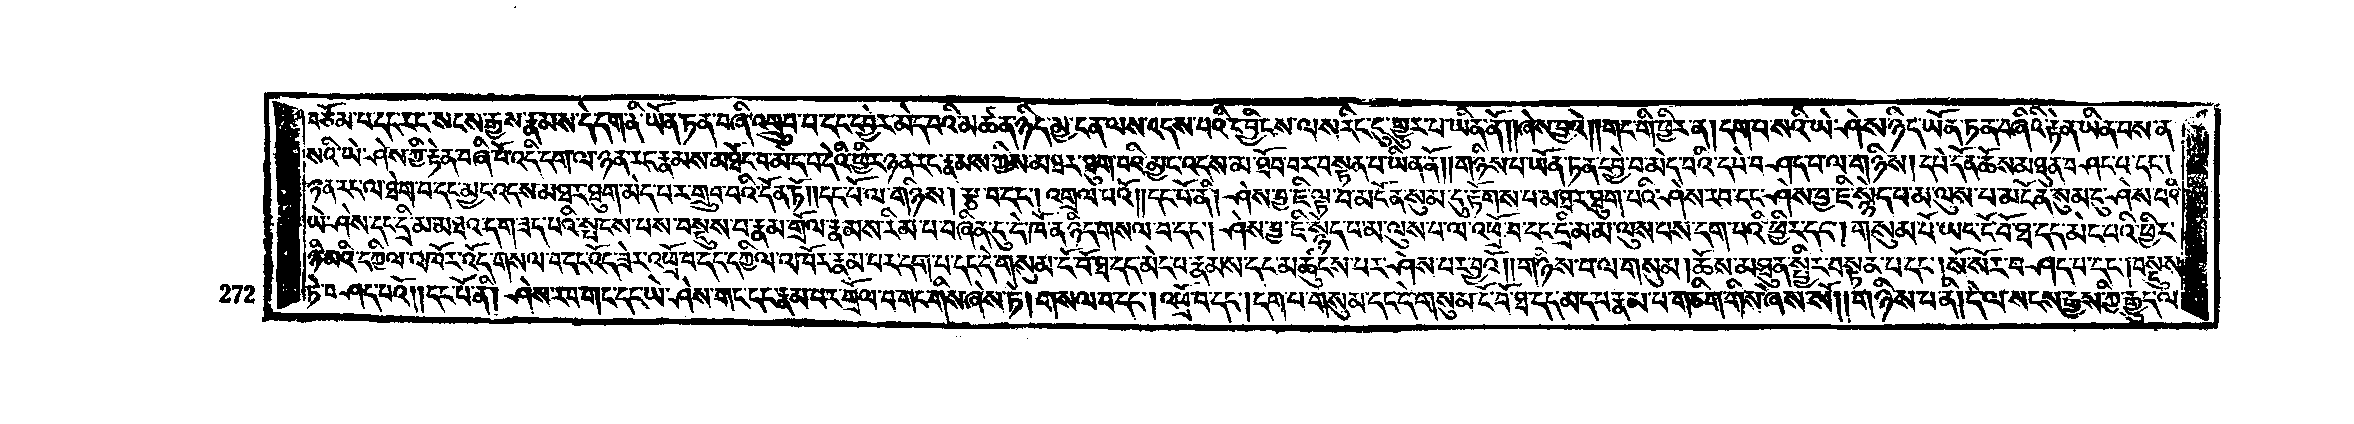བཅོམ་པ་དང་རང་སངས་རྒྱས་རྣམས་དེ་དག་ནི་ཡོན་ཏན་བཞི་འགྲུབ་པ་དང་དབྱེར་མེད་པའི་མཚན་ཉིད་མྱ་ངན་ལས་འདས་པའི་དབྱིངས་ལས་རིང་དུ་གྱུར་པ་ཡིན་ནོ། །ཞེས་བྱའོ། །གང་གི་ཕྱིར་ན། དག་པ་སའི་ཡེ་ཤེས་ཉིད་ཡོན་ཏན་བཞིའི་རྟེན་ཡིན་པས་ན་
སའི་ཡེ་ཤེས་ཀྱི་རྟེན་བཞི་པོ་འདི་དག་ལ་ཉན་རང་རྣམས་མཐོང་བ་མེད་པ་དེའི་ཕྱིར་ཉན་རང་རྣམས་ཀྱིས་མཐར་ཐུག་པའི་མྱང་འདས་མ་ཐོབ་པར་བསྟན་པ་ཡིན་ནོ། །གཉིས་པ་ཡོན་ཏན་དབྱེ་བ་མེད་པའི་དཔེ་བཤད་པ་ལ་གཉིས། དཔེ་དོན་ཆོས་མཐུན་བཤད་པ་དང་།
ཉན་རང་ལ་ཐེག་པ་དང་མྱང་འདས་མཐར་ཐུག་མེད་པར་གྲུབ་པའི་དོན་ཏོ། །དང་པོ་ལ་གཉིས། རྩ་བ་དང་། འགྲེལ་པའོ། །དང་པོ་ནི། ཤེས་བྱ་ཇི་ལྟ་བ་མངོན་སུམ་དུ་རྟོགས་པ་མཐར་ཐུག་པའི་ཤེས་རབ་དང་ཤེས་བྱ་ཇི་སྙེད་པ་མ་ལུས་པ་མངོན་སུམ་དུ་ཤེས་པའི་
ཡེ་ཤེས་དང་དྲི་མ་མཐའ་དག་ཟད་པའི་སྤངས་པས་བསྡུས་པ་རྣམ་གྲོལ་རྣམས་རིམ་པ་བཞིན་དུ་དེ་ཁོ་ན་ཉིད་གསལ་བ་དང་། ཤེས་བྱ་ཇི་སྙེད་པ་མ་ལུས་པ་ལ་འཕྲོ་བ་དང་དྲི་མ་མ་ལུས་པས་དག་པའི་ཕྱིར་དང་། གསུམ་པོ་ཡང་ངོ་བོ་ཐ་དད་མེད་པའི་ཕྱིར་
ཉི་མའི་དཀྱིལ་འཁོར་འོད་གསལ་བ་དང་འོད་ཟེར་འཕྲོ་བ་དང་དཀྱིལ་འཁོར་རྣམ་པར་དག་པ་དང་དེ་གསུམ་ངོ་བོ་ཐ་དད་མེད་པ་རྣམས་དང་མཚུངས་པར་ཤེས་པར་བྱའོ། །གཉིས་པ་ལ་གསུམ། ཆོས་མཐུན་སྤྱིར་བསྟན་པ་དང་། སོ་སོར་བཤད་པ་དང་། བསྡུས་
ཏེ་བཤད་པའོ། །དང་པོ་ནི། ཤེས་རབ་གང་དང་ཡེ་ཤེས་གང་དང་རྣམ་པར་གྲོལ་བ་གང་གིས་ཞེས་ཏེ། གསལ་བ་དང་། འཕྲོ་བ་དང་། དག་པ་གསུམ་དང་དེ་གསུམ་ངོ་བོ་ཐ་དད་མེད་པ་རྣམ་པ་གཅིག་གིས་ཞེས་སོ། །གཉིས་པ་ནི། དེ་ལ་སངས་རྒྱས་ཀྱི་རྒྱུད་ལ་